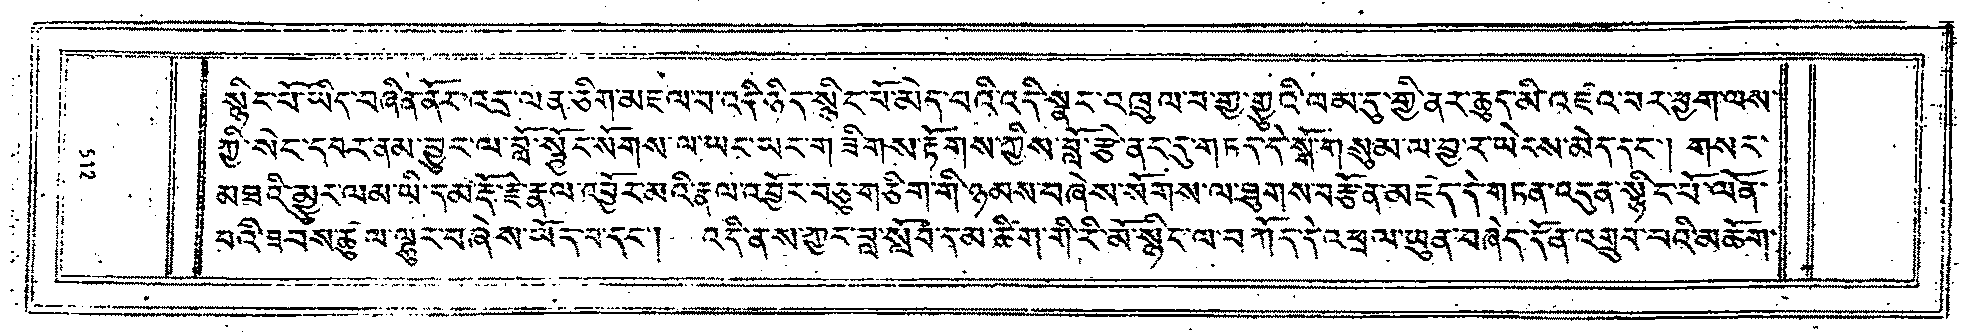སྙིང་པོ་ཡིད་བཞིན་ནོར་འདྲ་ལན་ཅིག་མཇལ་བ་འདི་ཉིད་སྙིང་པོ་མེད་པའི་འདི་སྣང་འཁྲུལ་བ་གྱ་གྱུའི་ལམ་དུ་གྱི་ནར་ཆུད་མི་འཛའ་བར་ཕྱག་ལས་
ཀྱི་སེང་དབར་ནམ་བྱུང་ལ་བློ་སྦྱོང་སོགས་ལ་ཡང་ཡང་གཟིགས་རྟོགས་ཀྱིས་བློ་རྩེ་ནང་དུ་གཏད་དེ་སྒོ་གསུམ་ལ་བྱ་ར་ཡེངས་མེད་དང་། གསར་
མཐའི་མྱུར་ལམ་ཡི་དམ་རྡོ་རྗེ་རྣལ་འབྱོར་མའི་རྣལ་འབྱོར་བཅུ་གཅིག་གི་ཉམས་བཞེས་སོགས་ལ་ཐུགས་བརྩོན་མཛད་དེ་གཏན་འདུན་སྙིང་པོ་ལོན་
པའི་ཐབས་ཚུལ་ལྷུར་བཞེས་ཡོད་པ་དང་། འདི་ནས་ཀྱང་བླ་སློབ་དམ་ཚིག་གི་རི་མོ་སྙིང་ལ་བཀོད་དེ་འཕྲལ་ཡུན་བཞེད་དོན་འགྲུབ་པའི་མཆོག་